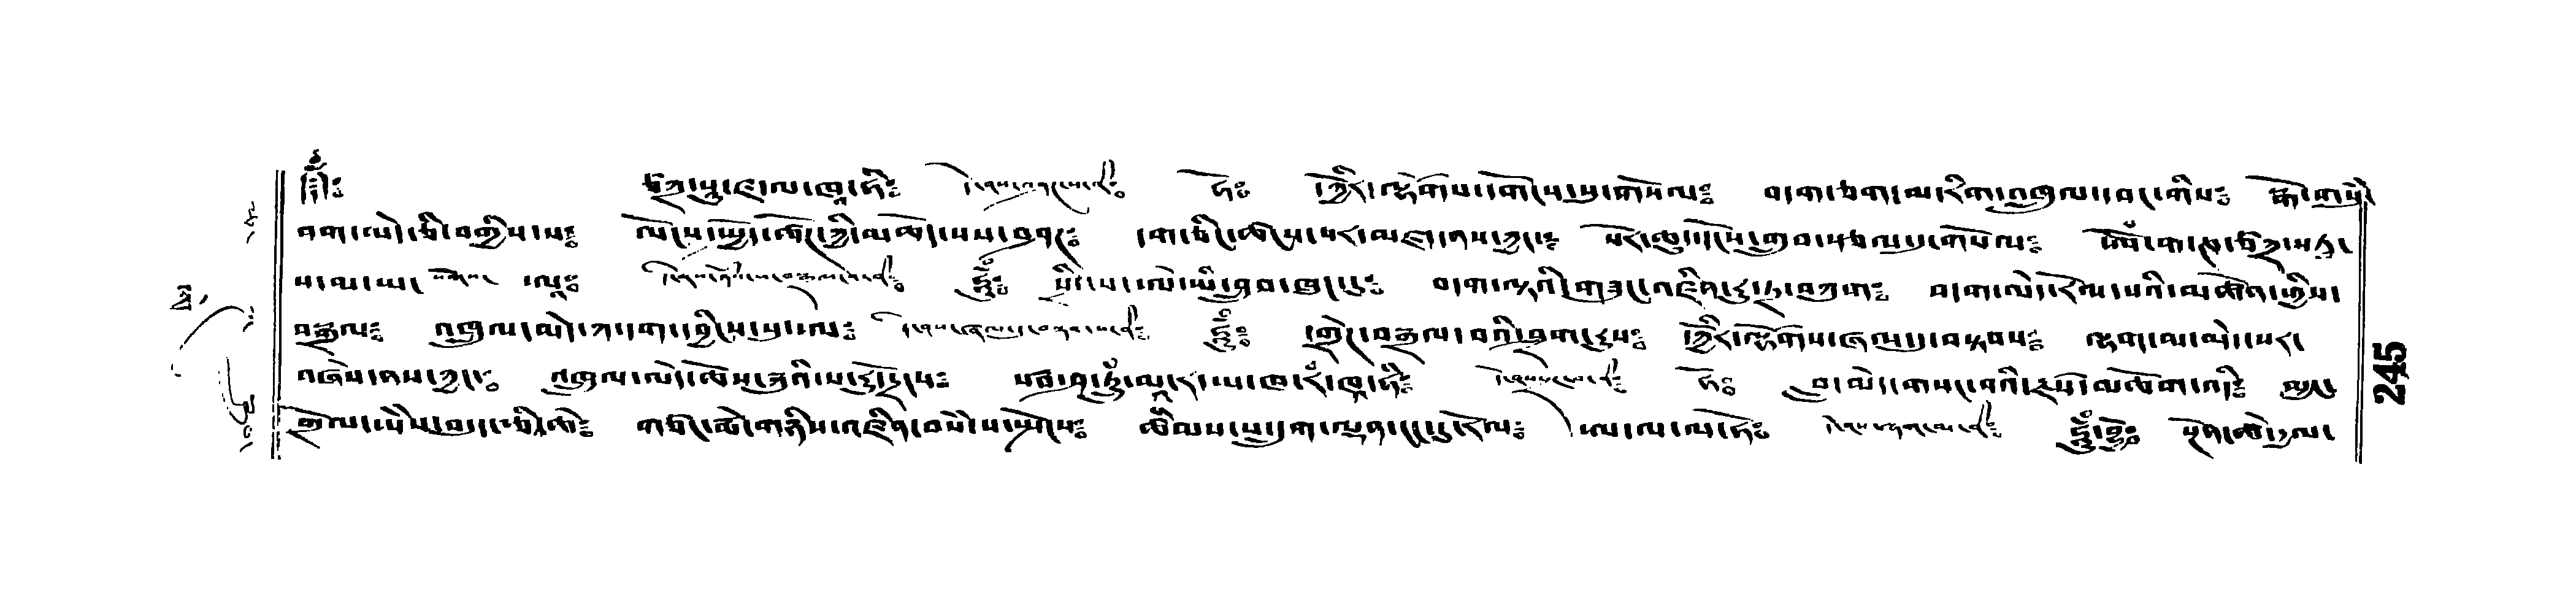ཙཀྲ་པཱུ་ཛ་ལ་ཁཱ་ཧི༔ དེ་ནས་བཤགས་པ་ནི༔ ཧོཿ དཀྱིལ་འཁོར་ལྷ་ཚོགས་དགོངས་སུ་གསོལ༔ བདག་ཅག་མ་རིག་འཁྲུལ་དབང་གིས༔ སྒོ་གསུམ་
བག་མེད་ཅི་བགྱིས་པ༔ ལོངས་སྤྱོད་ཚོགས་ཀྱི་མཆོད་པས་བཤགས༔ དག་ཅིང་ཚངས་པར་མཛད་ནས་ཀྱང༔ སོར་ཆུད་དངོས་གྲུབ་བསྩལ་དུ་གསོལ༔ ཨོཾ་ག་ཎ་ཙཀྲ་ས་ཏྭ་
ས་མ་ཡ༴ སོགས༔ ཨཱཿ དེ་ནས་ཉམས་པ་བསྒྲལ་བ་ནི༔ཧཱུྃ༔ སྲིད་པ་ཨེ་ཡི་བྲུབ་ཁུང་དུ༔ བདག་ལྟའི་གཟུང་འཛིན་རུ་ཏྲ་བཀུག༔ བདག་མེད་རོལ་པའི་མཚོན་གྱིས་
བསྒྲལ༔ འཁྲུལ་མེད་ཀ་དག་དབྱིངས་སུ་ཨཱཿ དེ་ནས་ཞལ་དུ་བསྟབ་པ་ནི༔ ཧཱུྃ༔ དགྲ་བགེགས་བསྒྲལ་བའི་ཤ་ཁྲག་རུས༔ དཀྱིལ་འཁོར་ལྷ་ཚོགས་ཞལ་དུ་བསྟབས༔ ལྷག་མ་མེད་པར་
བཞེས་ནས་ཀྱང༔ འཁྲུལ་མེད་ཆོས་སྐུའི་ས་རུ་དྲོངས༔ སརྦ་ཤ་ཏྲུཾ་མཱ་ར་ཡ་ཁ་རཾ་ཁཱ་ཧི༔ དེ་ནས་དྲང་བ་ནི༔ ཧོཿ བླ་མེད་གསང་བའི་རྫས་མཆོག་འདི༔ མྱོང་
གྲོལ་ཡེ་ཤེས་བདུད་རྩི་ཆེ༔ གཙང་རྨེ་གཉིས་འཛིན་བསམ་པ་སྤོངས༔ ཚིམས་པ་དྲུག་ལྡན་ངང་དུ་རོལ༔ ཨ་ལ་ལ་ཧོཿ དེ་ནས་ལྷག་མ་ནི༔ ཧཱུྃ་བྷྱོ༔ སྔོན་ཚེ་རྒྱལ་